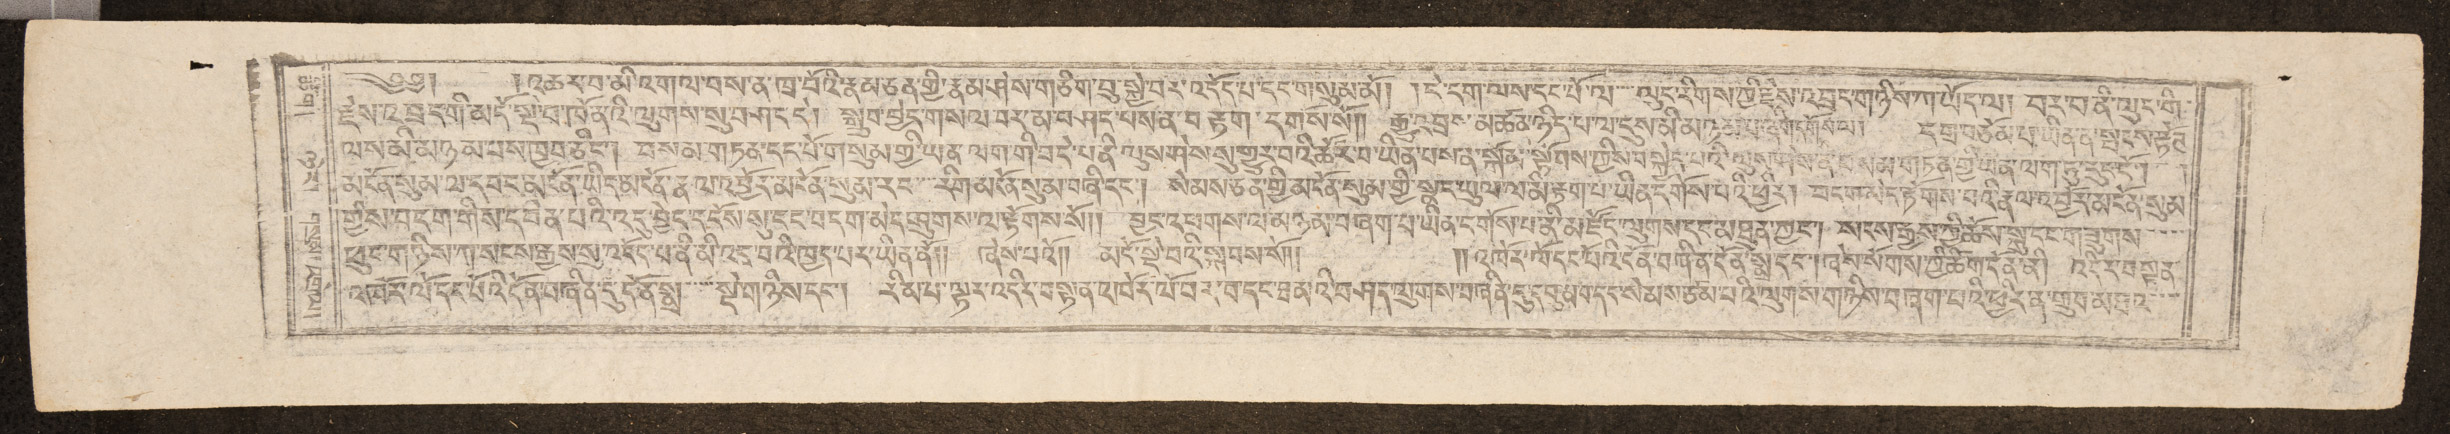༄༅། །འཆར་བ་མི་འགལ་བས་ན་ཁྲ་བོའི་རྣམ་ཅན་གྱི་རྣམ་ཤེས་གཅིག་བུ་སྐྱེ་བར་འདོད་པ་དང་གསུམ་མོ། །དེ་དག་ལས་དང་པོ་ལ་ལུང་རིགས་ཀྱི་རྗེས་འབྲང་གཉིས་ཀ་ཡོད་ལ། བར་བ་ནི་ལུང་གི་
རྗེས་འབྲང་གི་མདོ་སྡེ་བ་ཁོ་ནའི་ལུགས་སུ་བཤད་དེ། སྒྲུབ་བྱེད་གསལ་བར་མ་བཤད་པས་ན་བརྟག་དགོས་སོ།། རྒྱུ་འབྲས་མཚན་ཉིད་པ་ལ་དུས་མི་མཉམ་པ་ཞིག་དགོས་ལ། དགྲ་བཅོམ་པ་ཡིན་ན་སྦངས་རྟོགས་
ལས་མི་མཉམ་པས་ཁྱབ་ཅིང་། བསམ་གཏན་དང་པོ་གསུམ་གྱི་ཡན་ལག་གི་བདེ་པ་ནི་ལུས་ཤེས་སུ་གྱུར་བའི་ཚོར་བ་ཡིན་པས་ན་སྒོམ་སྟོབས་ཀྱིས་བསྐྱེད་པའི་ལུས་ཤེས་ནི་བསམ་གཏན་གྱི་ཡན་ལག་ཏུ་རུང་ངོ། །
མངོན་སུམ་ལ་དབང་མངོན་ཡིད་མངོན་རྣལ་འབྱོར་མངོན་སུམ་རང་རིག་མངོན་སུམ་བཞི་དང་། སེམས་ཅན་གྱི་མངོན་སུམ་གྱི་སྣང་ཡུལ་ལ་མི་རྟག་པ་ཡིན་དགོས་པའི་ཕྱིར། བདག་མེད་རྟོགས་པའི་རྣལ་འབྱོར་མངོན་སུམ་
གྱིས་བདག་གིས་དབེན་པའི་འདུ་བྱེད་དངོས་སུ་དང་བདག་མེད་ཤུགས་ལ་རྟོགས་སོ།། བྱང་འཕགས་ལ་མཉམ་བཞག་པ་ཡིན་དགོས་པ་ནི་མཛོད་ལུགས་དང་མཐུན་ཀྱང་། སངས་རྒྱས་ཀྱི་ཆོས་སྐུ་དང་གཟུགས་
ཕུང་གཉིས་ཀ་སངས་རྒྱས་སུ་འདོད་པ་ནི་མི་འདྲ་བའི་ཁྱད་པར་ཡིན་ནོ།། ཞེས་པའོ།། མདོ་སྡེ་བའི་སྐབས་སོ།། །།འཁོར་ལོ་དང་པོའི་དོན་བཞིན་དོན་སྨྲ་དང་། ཞེས་སོགས་ཀྱི་ཚིག་དོན་ནི། འདིར་བསྟན་
འཁོར་ལོ་དང་པོའི་དོན་བཞིན་དུ་དོན་སྨྲ་སྡེ་གཉིས་དང་། རིམ་པ་ལྟར་འདིར་བསྟན་འཁོར་ལོ་བར་བ་དང་ཐ་མའི་བཤད་ལུགས་བཞིན་དུ་དབུ་མ་བ་དང་སེམས་ཙམ་པའི་ལུགས་གཉིས་བཞག་པའི་ཕྱིར་ན་གྲུབ་མཐའ་